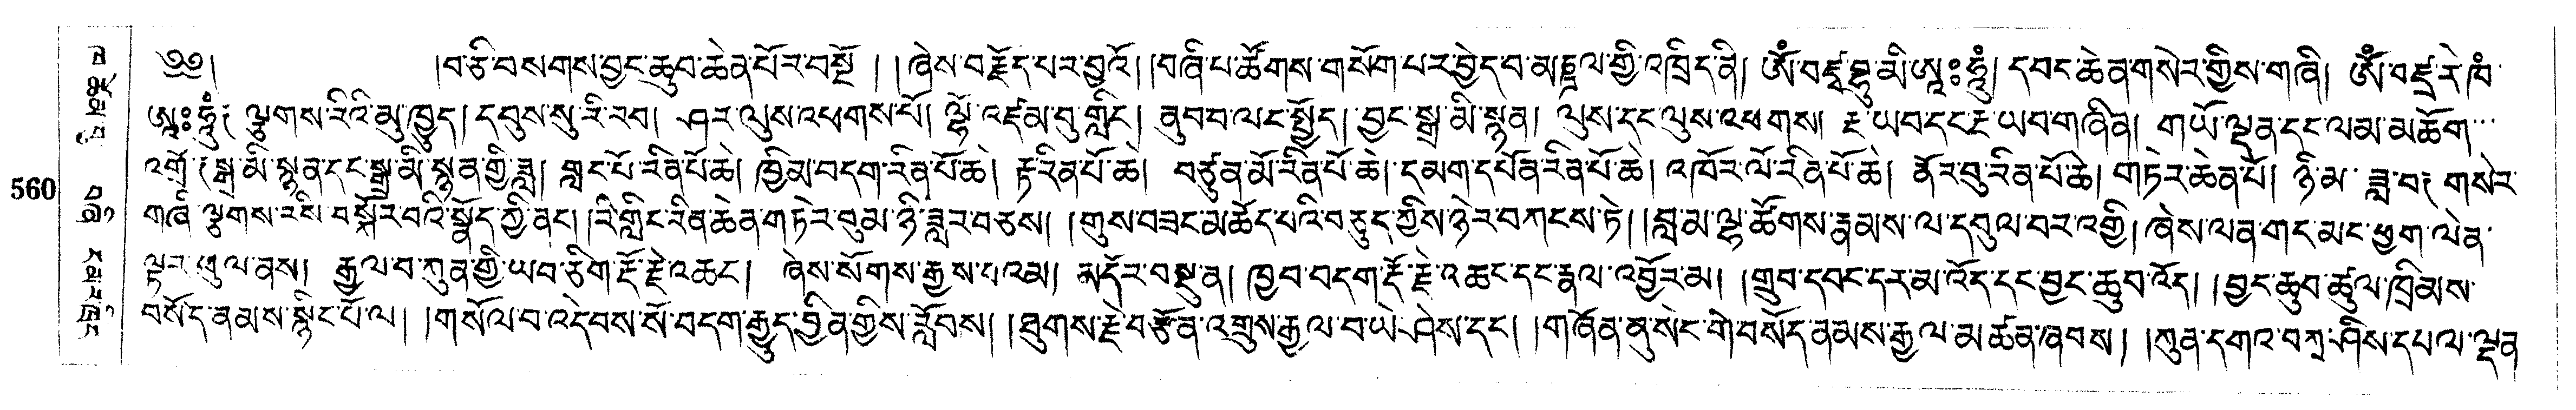༄༅། །བ་ཅི་བསགས་བྱང་ཆུབ་ཆེན་པོར་བསྔོ། །ཞེས་བརྗོད་པར་བྱའོ། །བཞི་པ་ཚོགས་གསོག་པར་བྱེད་བ་མཎྜལ་གྱི་འཁྲིད་ནི། ཨོཾ་བཛྭ་བྷུ་མི་ཨཱཿ ཧཱུཾ། དབང་ཆེན་གསེར་གྱིས་གཞི། ཨོཾ་བཛྲ་རེ་ཁཾ་
ཨཱཿ ཧཱུཾ༑ ལྕགས་རིའི་མུ་ཁྱུད། དབུས་སུ་རི་རབ། ཤར་ལུས་འཕགས་པོ། ལྷོ་འཛམ་བུ་གླིང་། ནུབ་བ་ལང་སྤྱོད། བྱང་སྒྲ་མི་སྙན། ལུས་དང་ལུས་འཕགས། རྔ་ཡབ་དང་རྔ་ཡབ་གཞིན། གཡོ་ལྡན་དང་ལམ་མཆོག་
འགྲོ༑ སྒྲ་མི་སྙན་དང་སྒྲ་མི་སྙན་གྱི་ཟླ། གླང་པོ་རིན་པོ་ཆེ། ཁྱིམ་བདག་རིན་པོ་ཆེ། རྟ་རིན་པོ་ཆེ། བཙུན་མོ་རིན་པོ་ཆེ། དམག་དཔོན་རིན་པོ་ཆེ། འཁོར་ལོ་རིན་པོ་ཆེ། ནོར་བུ་རིན་པོ་ཆེ། གཏེར་ཆེན་པོ། ཉི་མ་ཟླ་བ༑ གསེར་
གཞི་ལྕགས་རིས་བསྐོར་བའི་སྣོད་ཀྱི་ནང་། །རི་གླིང་རིན་ཆེན་གཏེར་བུམ་ཉི་ཟླར་བཅས། །གུས་བཟང་མཆོད་པའི་བཅུད་ཀྱིས་ཉེར་བཀངས་ཏེ། །བླ་མ་ལྷ་ཚོགས་རྣམས་ལ་དབུལ་བར་འགྱི། ཞེས་ལན་གང་མང་ཕྱག་ལེན་
ལྟར་ཕུལ་ནས། རྒྱལ་བ་ཀུན་གྱི་ཡབ་ཅིག་རྡོ་རྗེ་འཆང་། ཞེས་སོགས་རྒྱས་པའམ། མདོར་བསྡུ་ན། ཁྱབ་བདག་རྡོ་རྗེ་འཆང་དང་རྣལ་འབྱོར་མ། །གྲུབ་དབང་དར་མ་འོད་དང་བྱང་ཆུབ་འོད། །བྱང་ཆུབ་ཚུལ་ཁྲིམས་
བསོད་ནམས་སྙིང་པོ་ལ། །གསོལ་བ་འདེབས་སོ་བདག་རྒྱུད་བྱིན་གྱིས་རློབས། །ཐུགས་རྗེ་བརྩོན་འགྲུས་རྒྱལ་བ་ཡེ་ཤེས་དང་། །གཞོན་ནུ་སེང་གེ་བསོད་ནམས་རྒྱལ་མཚན་ཞབས། །ཀུན་དགའ་བཀྲ་ཤིས་དཔལ་ལྡན་